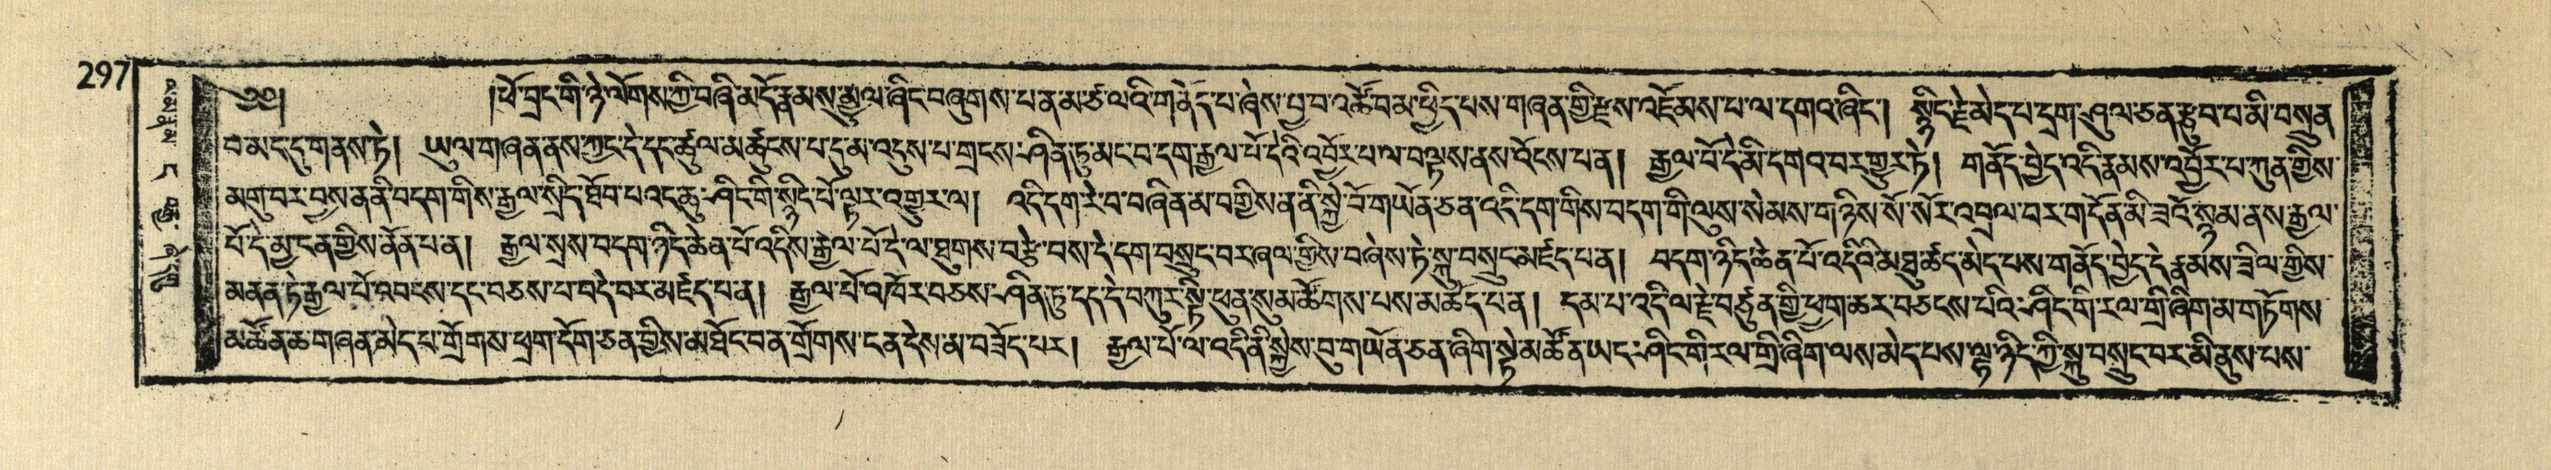༄༅། །ཕོ་བྲང་གི་ཉེ་ལོགས་ཀྱི་བཞི་མདོ་རྣམས་མྱུལ་ཞིང་བཞུགས་པ་ནམ་ཙ་ལའི་གནོད་པ་ཞེས་བྱ་བ་འཚོ་བམ་ཕྱིད་པས་གཞན་གྱི་རྫས་འཇོམས་པ་ལ་དགའ་ཞིང་། སྙིང་རྗེ་མེད་པ་དྲག་ཤུལ་ཅན་རྩུབ་པ་མི་བསྲུན་
བ་མང་དུ་གནས་ཏེ། ཡུལ་གཞན་ནས་ཀྱང་དེ་དང་ཚུལ་མཚུངས་པ་དུ་མ་འདུས་པ་གྲངས་ཤིན་ཏུ་མང་བ་དག་རྒྱལ་པོ་དེའི་འབྱོར་པ་ལ་བལྟས་ནས་འོངས་པ་ན། རྒྱལ་པོ་དེ་མི་དགའ་བར་གྱུར་ཏེ། གནོད་བྱེད་འདི་རྣམས་འབྱོར་པ་ཀུན་གྱིས་
མགུ་བར་བྱས་ན་ནི་བདག་གིས་རྒྱལ་སྲིད་ཐོབ་པའང་ཆུ་ཤིང་གི་སྙིང་པོ་ལྟར་འགྱུར་ལ། འདི་དག་རེ་བ་བཞིན་མ་བགྱིས་ན་ནི་སྐྱེ་བོ་གཡོན་ཅན་འདི་དག་གིས་བདག་གི་ལུས་སེམས་གཉིས་སོ་སོར་འབྲལ་བར་གདོན་མི་ཟའི་སྙམ་ནས་རྒྱལ་
པོ་དེ་མྱ་ངན་གྱིས་ནོན་པ་ན། རྒྱལ་སྲས་བདག་ཉིད་ཆེན་པོ་འདིས་རྒྱལ་པོ་དེ་ལ་ཐུགས་བརྩེ་བས་དེ་དག་བསྲུང་བར་ཞལ་གྱིས་བཞེས་ཏེ་སྐུ་བསྲུང་མཛད་པ་ན། བདག་ཉིད་ཆེན་པོ་འདིའི་མཐུ་ཚད་མེད་པས་གནོད་བྱེད་དེ་རྣམས་ཟིལ་གྱིས་
མནན་ཏེ་རྒྱལ་པོ་འབངས་དང་བཅས་པ་བདེ་བར་མཛད་པ་ན། རྒྱལ་པོ་འཁོར་བཅས་ཤིན་ཏུ་དད་དེ་བཀུར་སྟི་ཕུན་སུམ་ཚོགས་པས་མཆོད་པ་ན། དམ་པ་འདི་ལ་རྗེ་བཙུན་གྱི་ཕྱག་ཆར་བཅངས་པའི་ཤིང་གི་རལ་གྲི་ཞིག་མ་གཏོགས་
མཚོན་ཆ་གཞན་མེད་པ་གྲོགས་ཕྲག་དོག་ཅན་གྱིས་མཐོང་བ་ན་གྲོགས་ངན་དེས་མ་བཟོད་པར། རྒྱལ་པོ་ལ་འདི་ནི་སྐྱེས་བུ་གཡོན་ཅན་ཞིག་སྟེ་མཚོན་ཡང་ཤིང་གི་རལ་གྲི་ཞིག་ལས་མེད་པས་ལྷ་ཉིད་ཀྱི་སྐུ་བསྲུང་བར་མི་ནུས་པས་